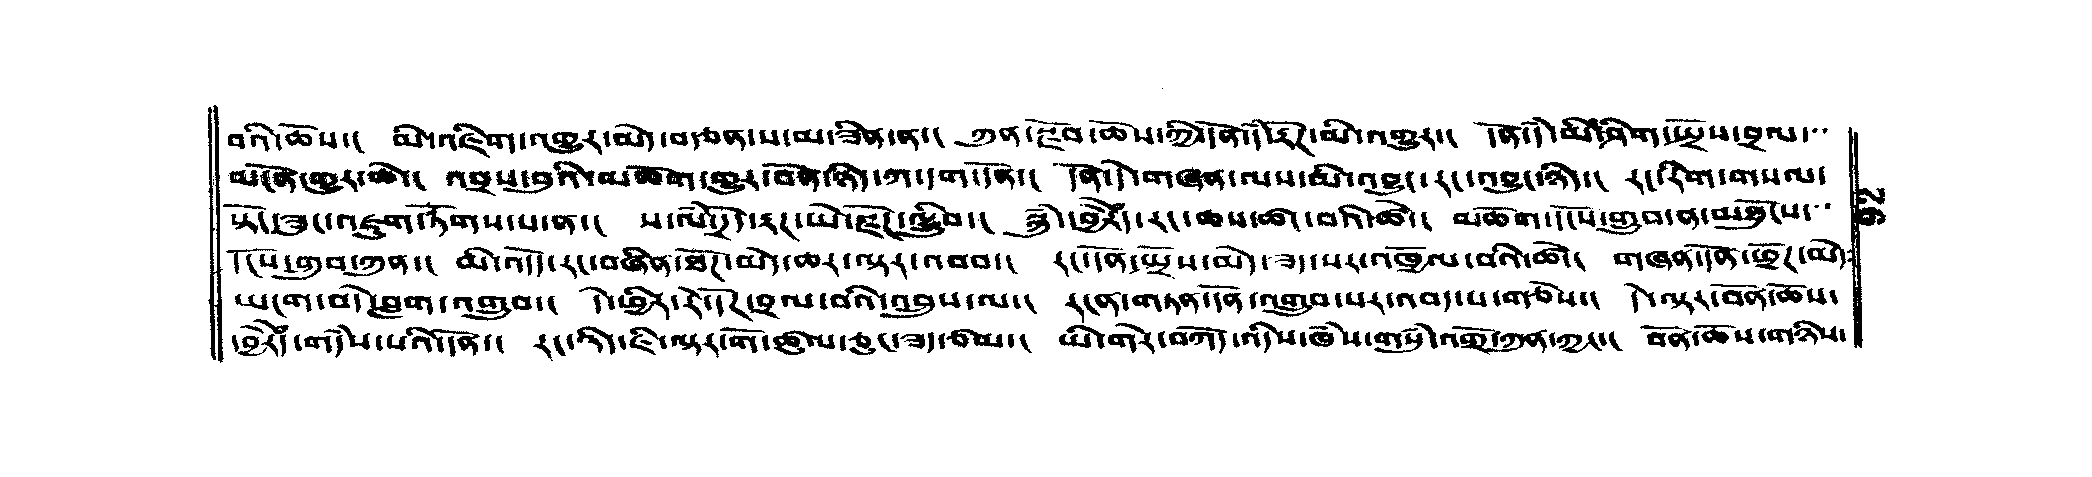བའི་ཆོས། །མི་འཇིག་འགྱུར་མེད་བཙན་ས་མ་ཟིན་ན། །ཀུན་རྫོབ་ཆོས་ཀྱི་དོན་དམ་རྟོགས་མི་འགྱུར། །དོམ་དམ་མི་བཤིག་སྤྲོས་བྲལ་
མངོན་གྱུར་ཚེ། །འབྲས་བུའི་མཆོག་གྱུར་བོན་ཉིད་ཀ་དག་དོན། །དོན་དེ་གཞན་ལས་མི་འབྱུང་རང་འབྱུང་ཉིད། །རང་རིག་གསལ་
སྟོང་ཟུང་འཇུག་རྟོགས་པ་ན། །ས་ལམ་དྲོད་རྟགས་ཡེ་རྫོགས་ལྷུན་གྱིས་གྲུབ། །སྐུ་གསུམ་དབྱེར་མེད་རང་ཆས་ཚང་བའི་ཚེ། །མཆོག་དངོས་གྲུབ་ན་ཐུན་མོངས་
དངོས་དངོས་གྲུབ་ཀུན། །མི་འདོད་རང་བཞིན་ཐོགས་མེད་ཆར་ལྟར་འབབ། །རང་དོན་སྤྲོས་མེད་ཟད་སར་འཁྱོལ་བའི་ཚེ། །གཞན་དོན་ཕྱོགས་མེད་
ཡང་དག་བདེ་བླག་འགྲུབ། །དེ་ཕྱིར་རེ་དོགས་བྲལ་བའི་འབྲས་བུ་ལ། །རང་གཞན་གཏན་དོན་འགྲུབ་པར་འབད་པར་འཚལ། །དེ་ལྟར་བོན་ཆོས་
དབྱེར་མེད་གདམས་པའི་དོན། །རང་ཉིད་ཇི་ལྟར་གོ་ཚུལ་ཅུང་ཟད་ཙམ། །ཡི་གེར་བཀོད་འདིས་ཁམས་གསུམ་འགྲོ་ཀུན་ཀྱང་། །བོན་ཆོས་གཉིས་